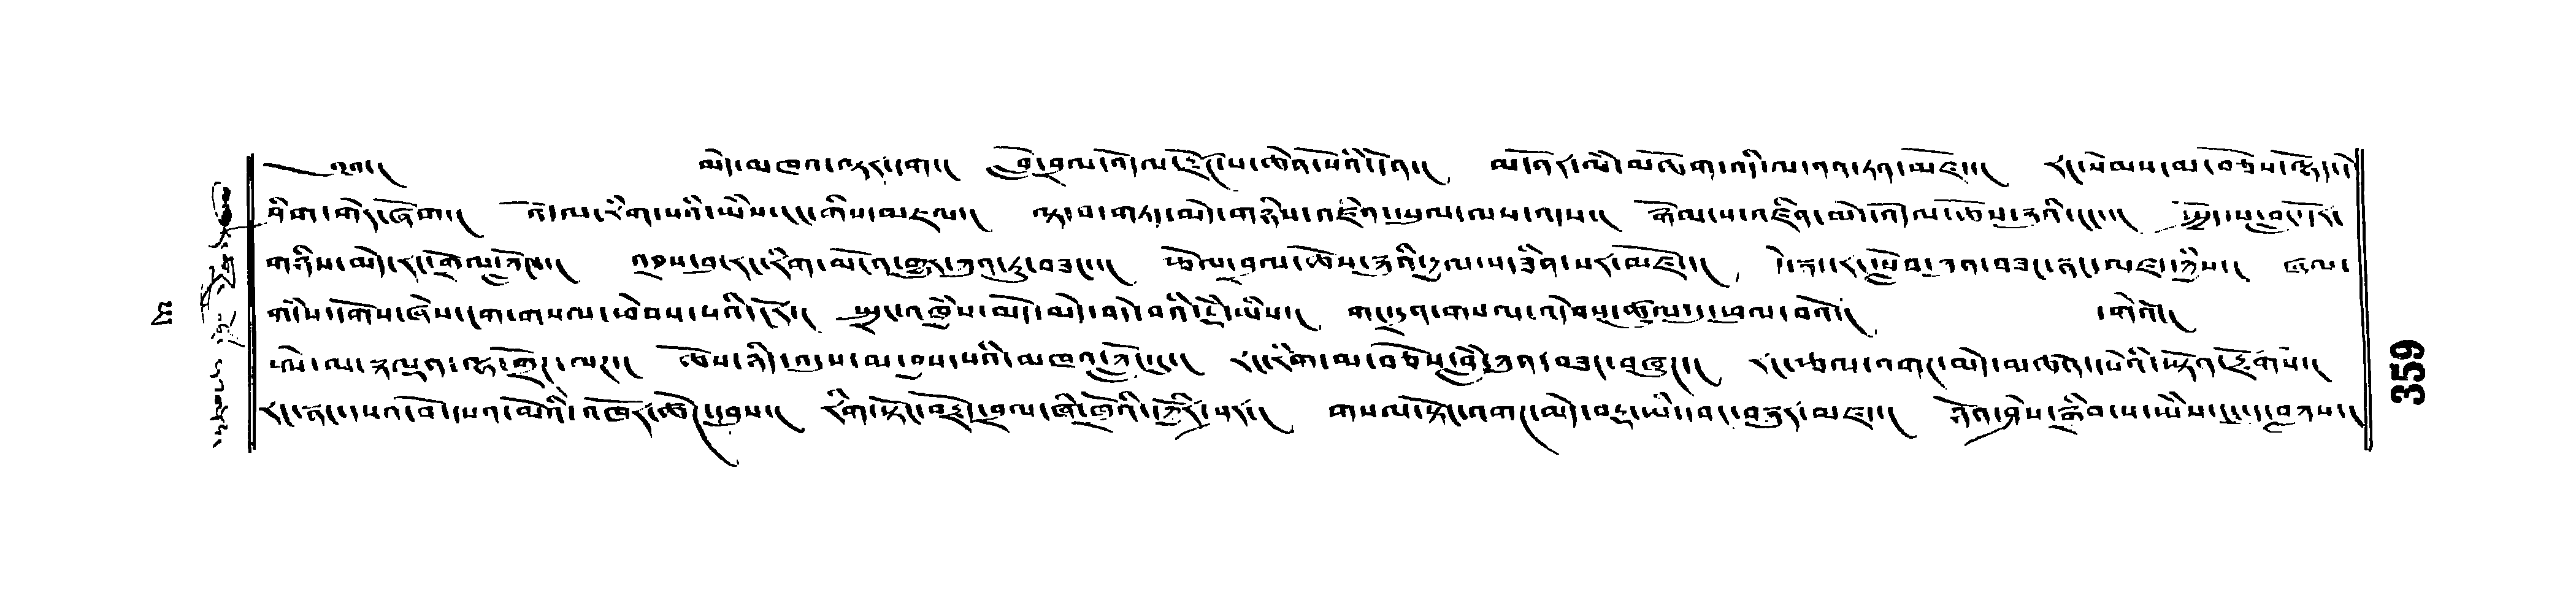མེད་མཁའ་ལྟར་དག །བློ་བྲལ་འོད་གསལ་རྫོགས་པ་ཆེན་པོའི་དོན། །མ་ནོར་ལམ་མཆོག་འདི་ལ་ནན་ཏན་མཛོད། །རང་སེམས་མ་བཅོས་ལྷོད་དེ་
ཤིག་གེར་ཞོག །འོད་གསལ་རིག་པའི་ཡེ་ཤེས་ངང་གིས་མཇལ། །ལྟ་བ་གཏད་མེད་གཉིས་འཛིན་ཡུལ་ལས་འདས། །སྒོམ་པ་འཛིན་མེད་འོད་གསལ་ཆོས་སྐུའི་ངང་། །སྤྱོད་པ་བླང་དོར་
གཉིས་མེད་རང་གྲོལ་ཀློང་། །འབྲས་བུ་རང་རིག་མངོན་གྱུར་ཀུན་ཏུ་བཟང་། །རྩོལ་བྲལ་ཆོས་སྐུའི་རྒྱལ་ས་ཟིན་པར་མཛོད། །དེ་སྐད་རང་སློབ་ཀུན་བཟང་སྣང་མཛད་ཀྱིས། །ཞལ་
གདམས་དགོས་ཞེས་ངག་གསལ་ཕེབས་པའི་ངོར། །སྤྲང་འཁྱམས་མདོ་མེད་བདེ་བའི་རྡོ་རྗེ་ཡིས། །གང་དྲན་གསལ་འདེབས་ཚུལ་དུ་ཕུལ་བའོ། དགེའོ།། 
ཨེ་མ་སྐལ་ལྡན་ལྷ་གྲོགས་ལགས། །ཆོས་ཉིད་འདུས་མ་བྱས་པའི་མཁའ་ཀློང་དུ། །རང་རིག་མ་བཅོས་བླ་མ་ཀུན་བཟང་བཞུགས། །རང་རྩལ་འགགས་མེད་མཚན་དཔེའི་ཡོན་ཏན་རྫོགས། །
རང་སྣང་དཔའ་བོ་དཔའ་མོའི་འཁོར་ཚོགས་དབུས། །རིག་སྟོང་བརྗོད་བྲལ་ཞི་ཁྲོའི་དཀྱིལ་འཁོར་ཤར། །གསལ་སྟོང་འགགས་མེད་བརྡ་ཡི་དབང་བསྐུར་མཛད། །ཉོན་ཤེས་སྒྲིབ་པ་ཡེ་ཤེས་ངང་དུ་བཀྲུས།